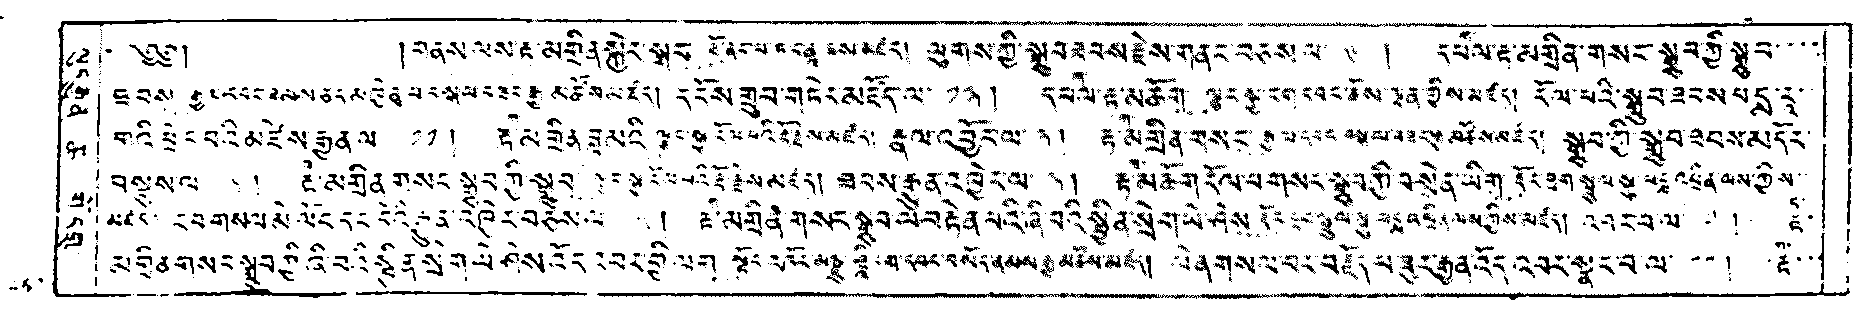༄༅། །གནས་ལས་རྟ་མགྲིན་སྐྱེར་སྒང་ཇོ་ནང་པ་ཏ་ར་ནཱ་ཐས་མཛད།  ལུགས་ཀྱི་སྒྲུབ་ཐབས་རྗེས་གནང་བཅས་ལ ༤། དཔལ་{ཀ}་རྟ་མགྲིན་གསང་སྒྲུབ་ཀྱི་སྒྲུབ་
ཐབས་རྒྱལ་དབང་ཐམས་ཅད་མཁྱེན་པ་བསྐལ་བཟང་རྒྱ་མཚོས་མཛད།  དངོས་གྲུབ་གཏེར་མཛོད་ལ ༡༣། དཔལ་ཀ་རྟ་མཆོག་ལྕང་སྐྱ་ངག་དབང་ཆོས་ལྡན་གྱིས་མཛད།  རོལ་པའི་སྒྲུབ་ཐབས་པདམ་རཱ་
གའི་ཕྲེང་བའི་མཛེས་རྒྱན་ལ ༡༡། རྟ་ཀ་མགྲིན་བླ་མའི་ལྕང་སྐྱ་རོལ་པའི་རྡོ་རྗེས་མཛད།  རྣལ་འབྱོར་ལ ༢། རྟ་ཀ་མགྲིན་གསང་རྒྱལ་དབང་བསྐལ་བཟང་རྒྱ་མཚོས་མཛད།  སྒྲུབ་ཀྱི་སྒྲུབ་ཐབས་མདོར་
བསྡུས་ལ ༣། རྟ་ཁ་མགྲིན་གསང་སྒྲུབ་ཀྱི་སྒྲུབ་ལྕང་སྐྱ་རོལ་པའི་རྡོ་རྗེས་མཛད།  ཐབས་རྒྱུན་འཁྱེར་ལ ༣། རྟ་ཀ་མཆོག་རོལ་པ་གསང་སྒྲུབ་ཀྱི་བསྙེན་ཡིག་རྡོར་བྲག་སྤྲུལ་སྐུ་པདམ་འཕྲིན་ལས་ཀྱིས་
མཛད། རབ་གསལ་མེ་ལོང་དང་དེའི་རྒྱུན་འཁྱེར་བཅས་ལ ༥། རྟ་ཀ་མགྲིན་གསང་སྒྲུབ་ལ་བརྟེན་པའི་ཞི་བའི་སྦྱིན་སྲེག་ཡེ་ཤེས་རྡོར་བྲག་སྤྲུལ་སྐུ་པདམ་འཕྲིན་ལས་ཀྱིས་མཛད།  འབར་བ་ལ ༧། ཏ་རྟ་
མགྲིན་གསང་སྒྲུབ་ཀྱི་ཞི་བའི་སྦྱིན་སྲེག་ཡེ་ཤེས་འོད་འབར་གྱི་ལག་སྟོང་འཁོར་མཉྫུ་ཤྲཱི་ངག་དབང་བསོད་ནམས་རྒྱ་མཚོས་མཛད།  ལེན་གསལ་བར་བརྗོད་པ་ཟུར་རྒྱན་འོད་འབར་སྣང་བ་ལ ༡༡། ཀ་རྟ་